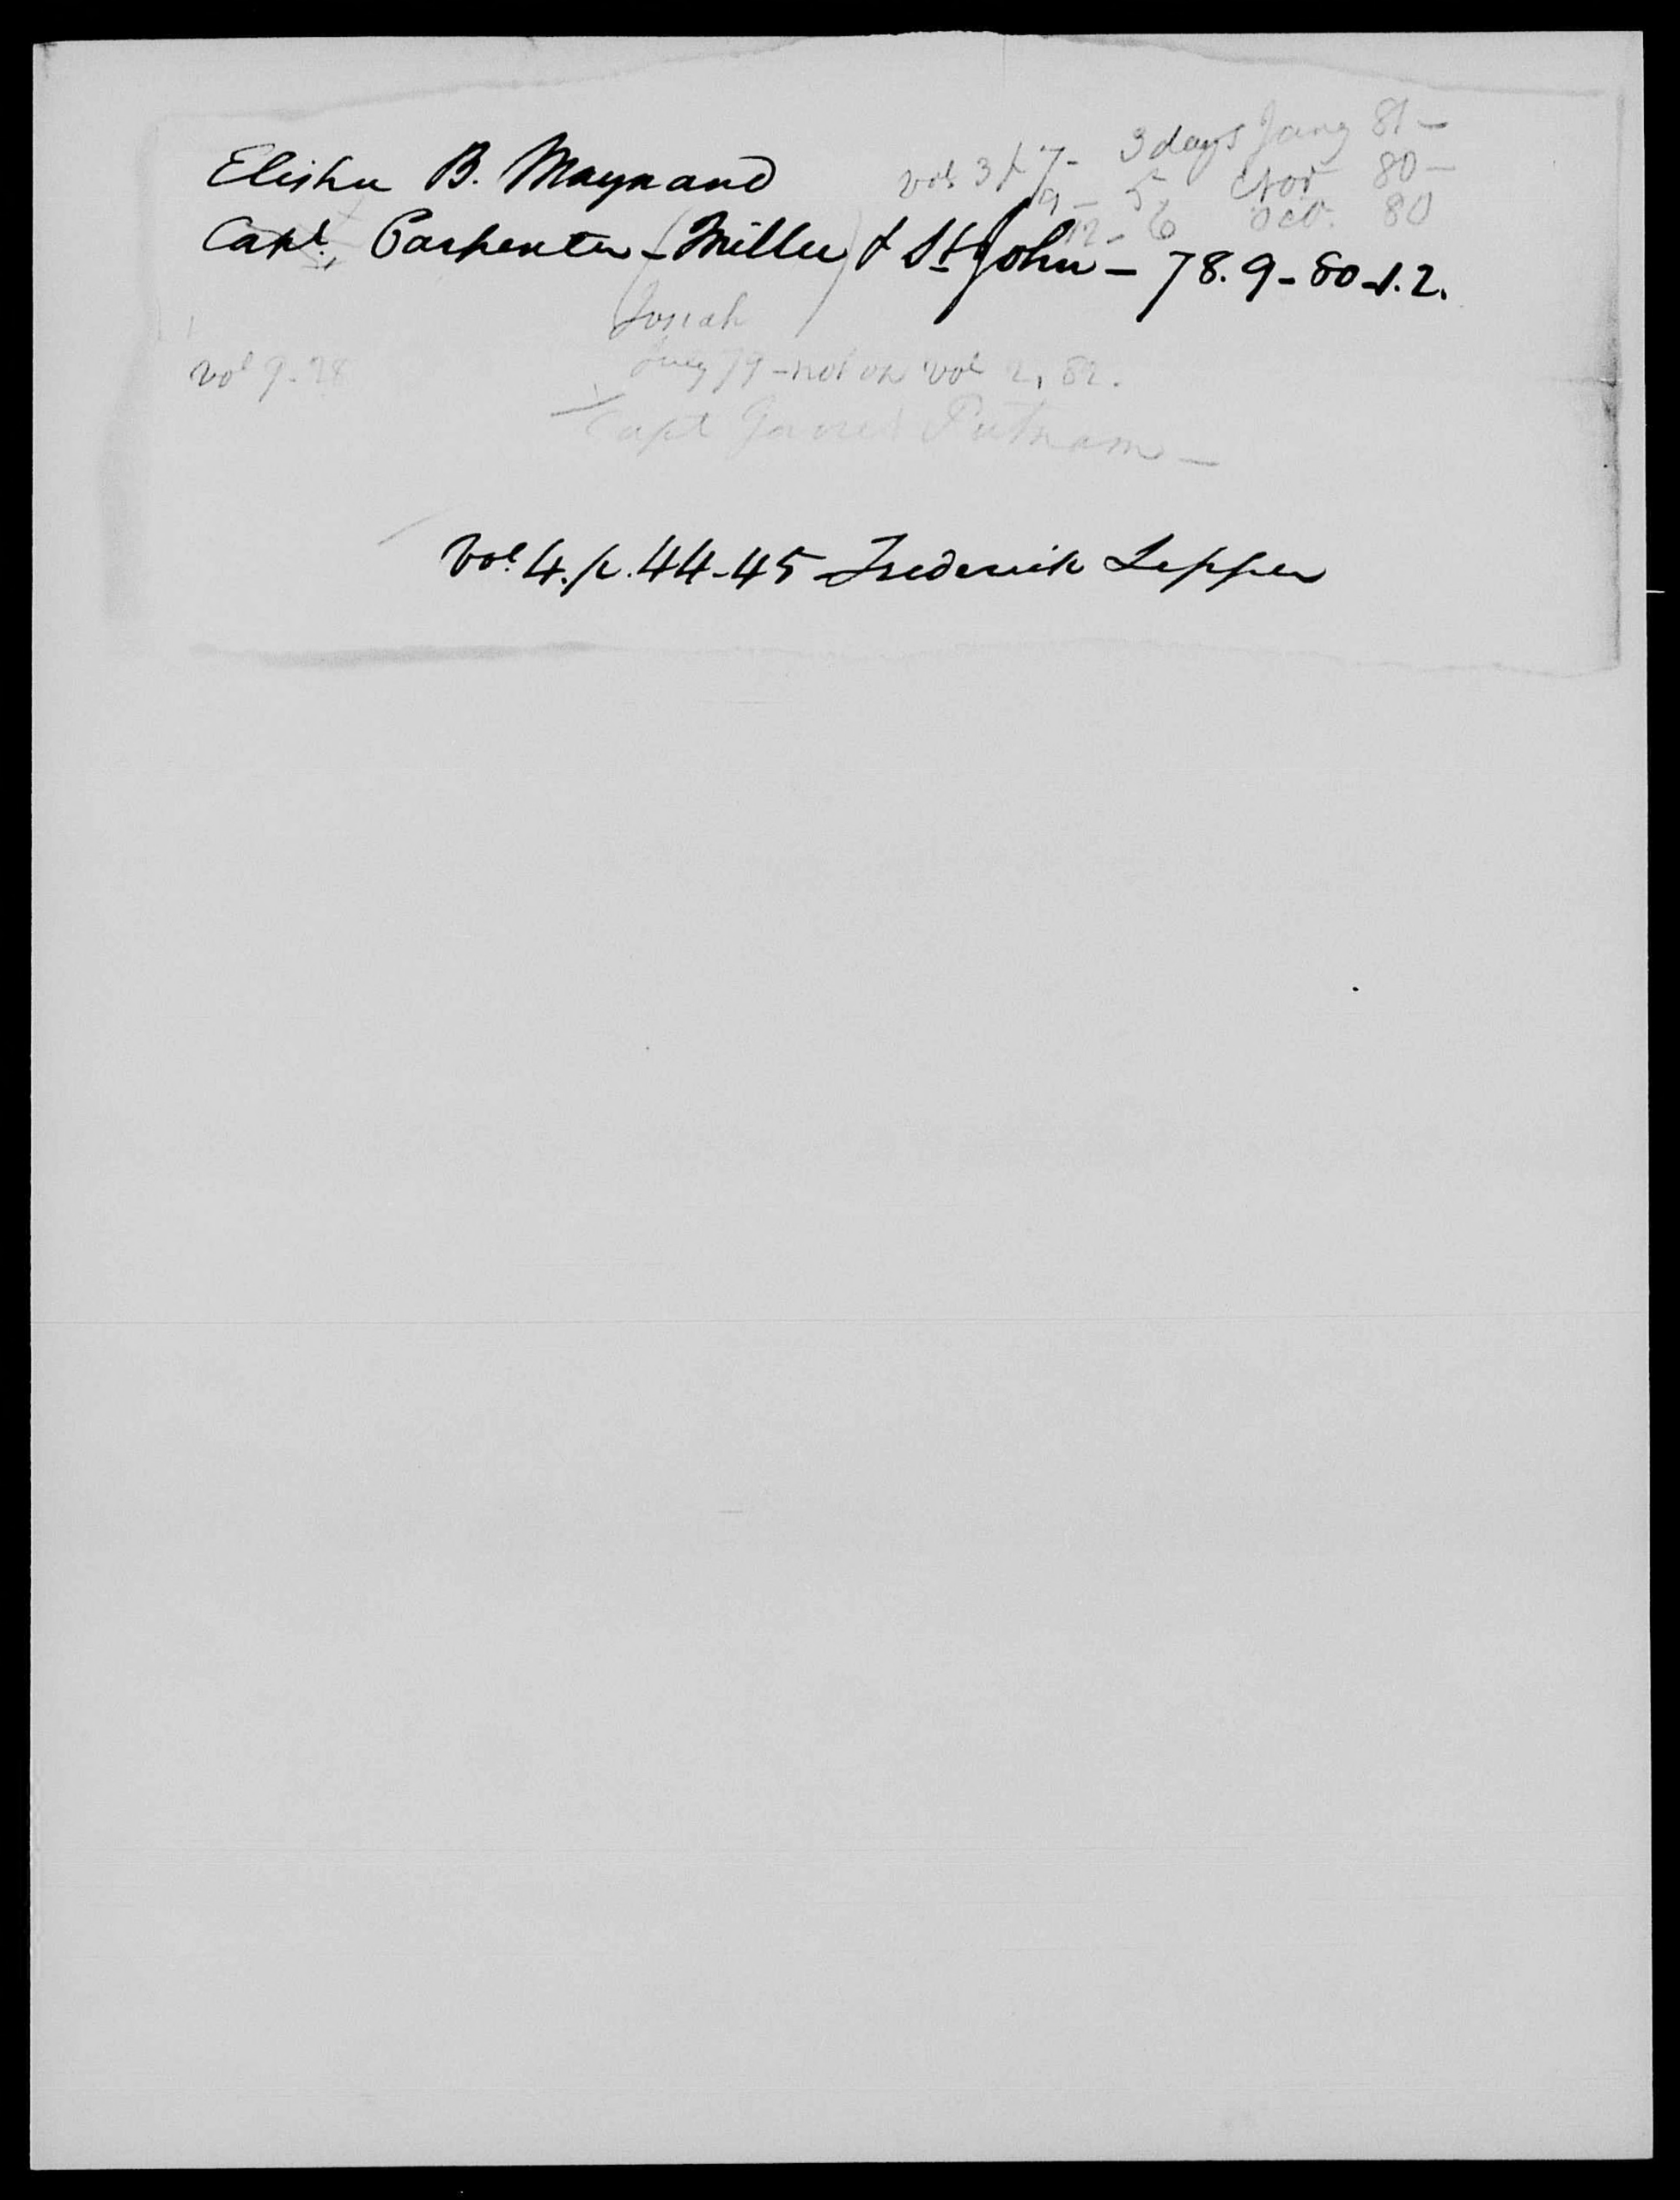Elisha B. Maynard
Capt. Carpenter - (Josiah) Miller & St. John - 78.9-80-1.2
vol 9.28
[Above St. John:] Vol. 3 p.7 - 3 days Jany 81-
p.9 - 5 days Nov 80-
p.12 - 6 days Oct. 80-
[Under Miller:] July 79- not on vol. 2.82
Capt Garret Putnam
Vol. 4. p.44-45 - Frederick Lepper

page: 21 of 33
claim: rejected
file: R. 7,063, for Elisha B Maynard, New York